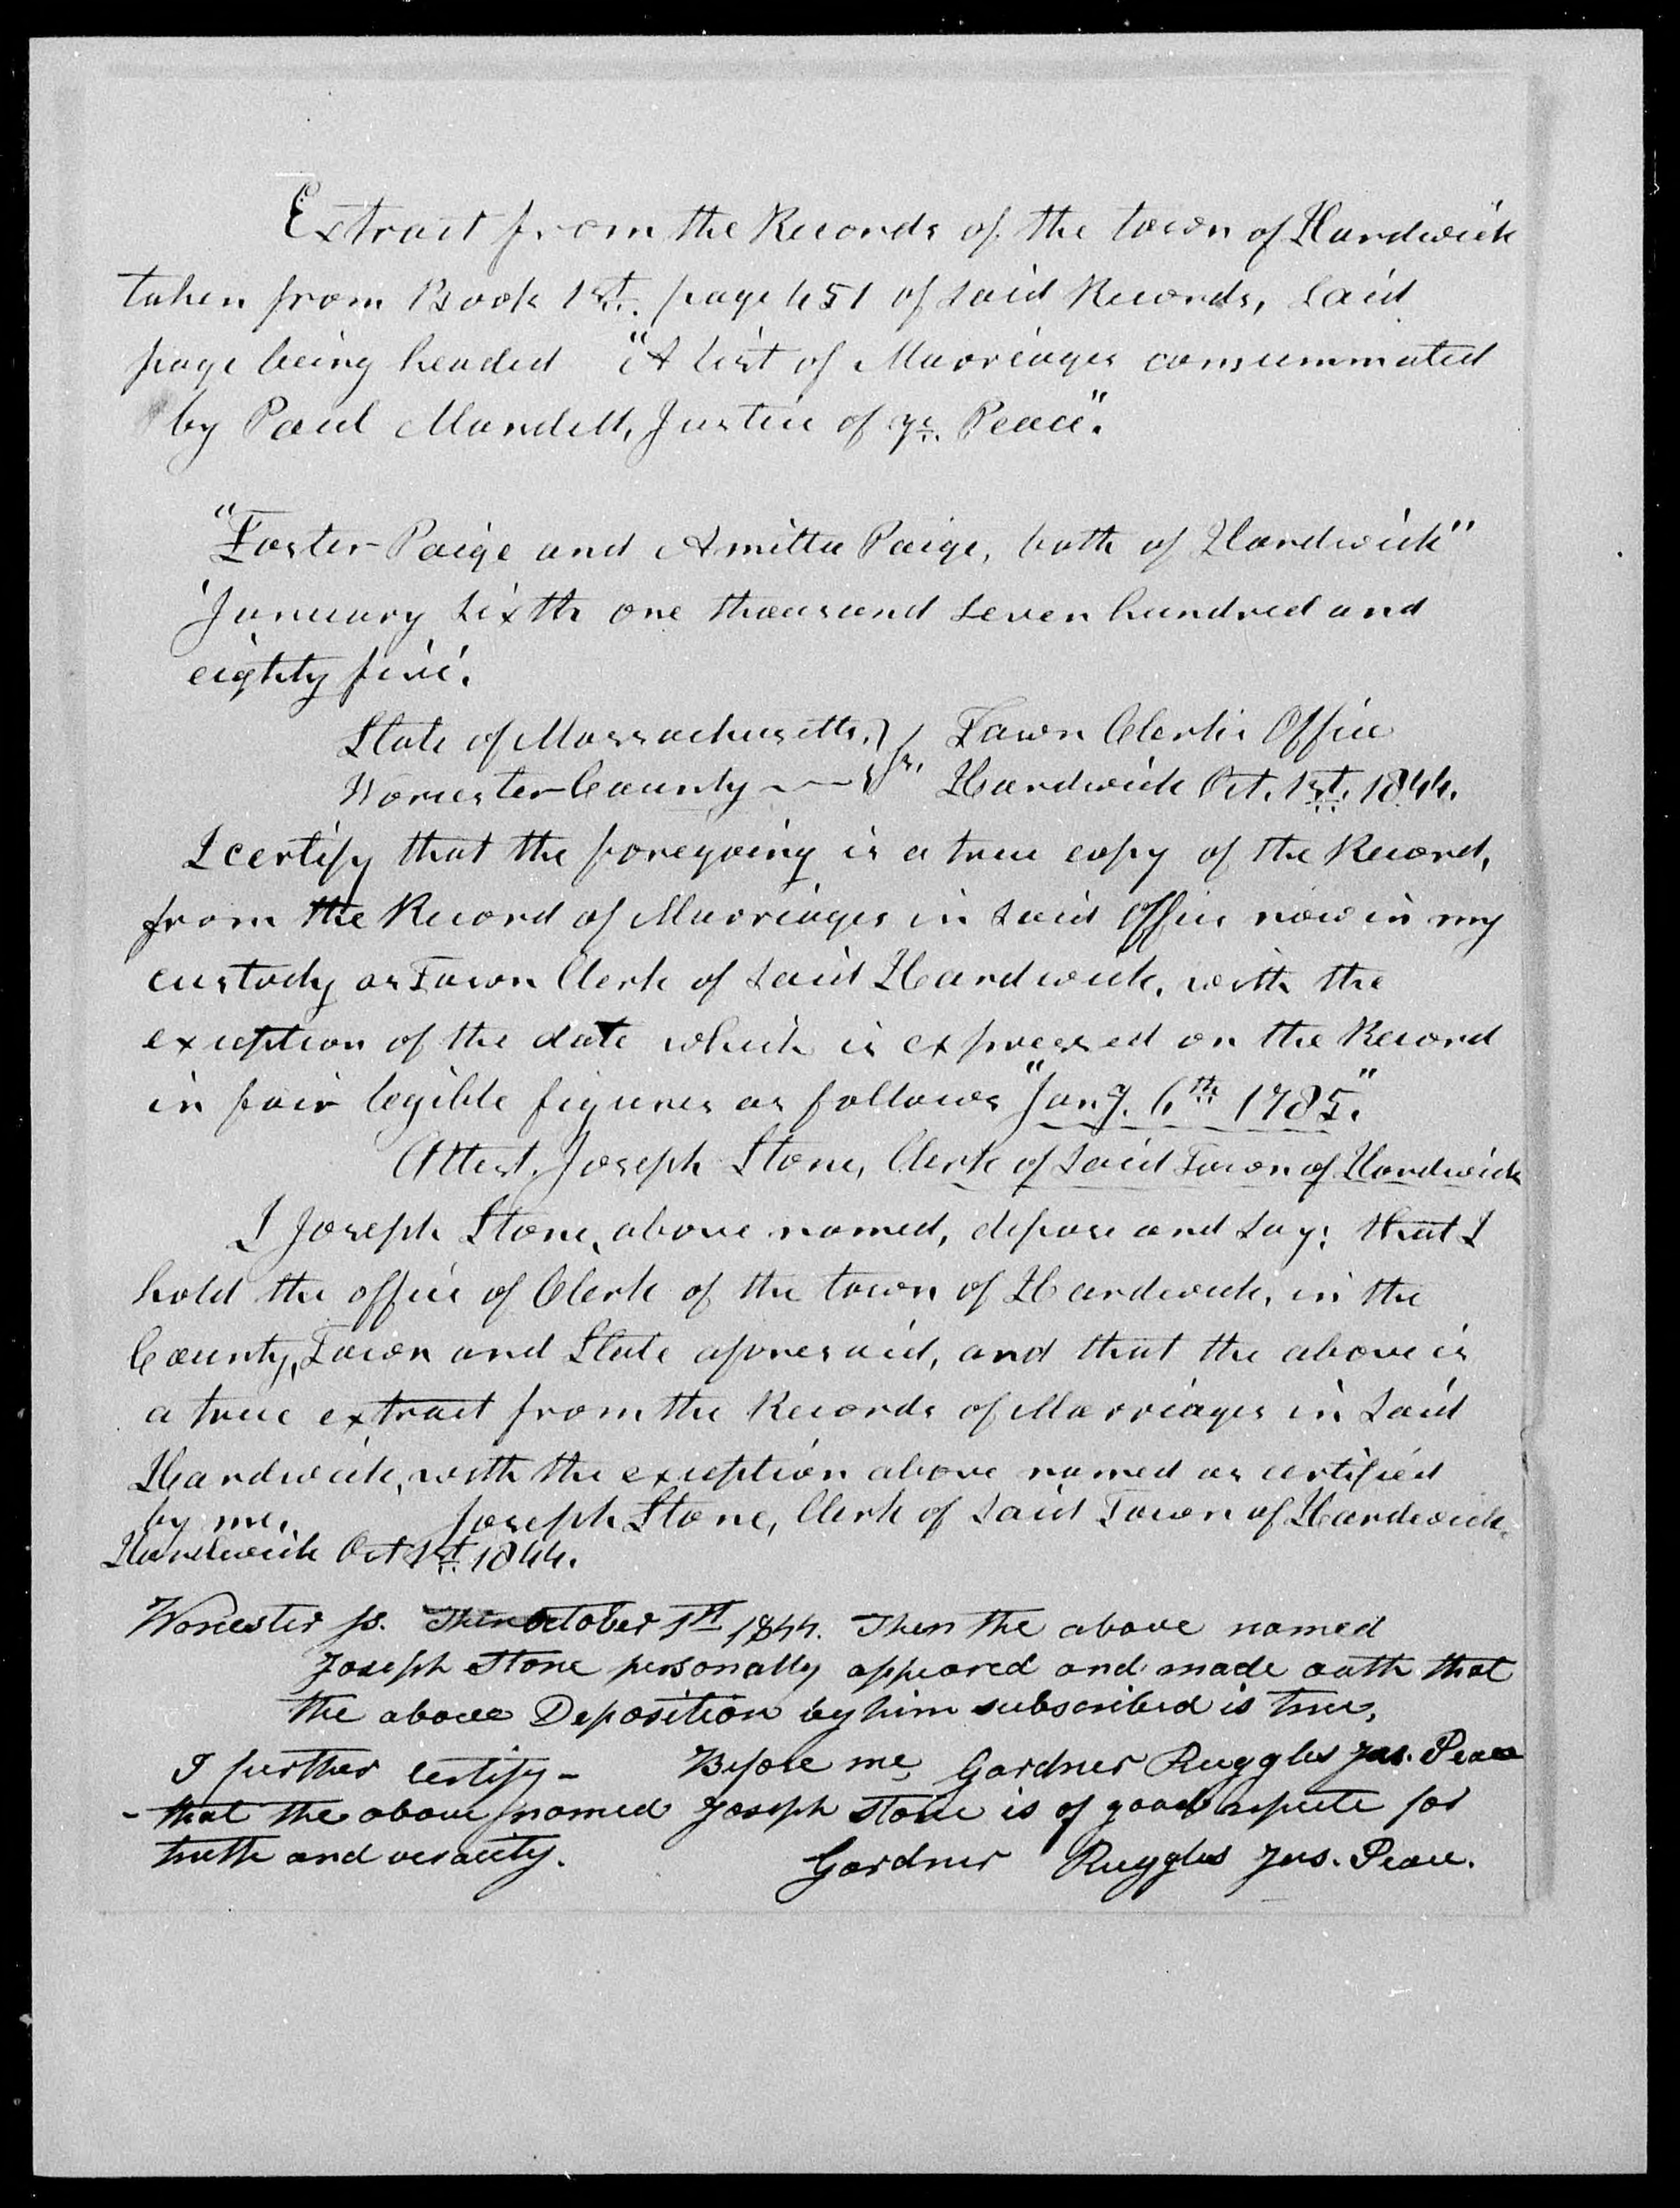Extract from the Records of the town of Hardwick
taken from Book 1st page 151 of said Records, said
page being headed "A list of Marriages consummated
by Paul Mandell, Justice of the Peace"
"Foster Paige and Amittie Paige, both of Hardwick"
'January Sixth one thousand seven hundred and
eighty five'.
State of Massachusetts,
Worcester County
Town Clerk's Office
Hardwick Oct. 1st, 1844.
I certify that the foregoing is a true copy of the Record,
from the Record of Marriages in said Office now in my
custody as Town Clerk of said Hardwick, with the
exception of the date which is expressed on the Record
in fair legible figures as follows Jan 6th 1785
Attest. Joseph Stone, Clerk of said Town of Hardwick
I Joseph Stone, above named, depose and say: that I
hold the office of Clerk of the town of Hardwick, in the
County, Town and State aforesaid, and that the above is a
true extract from the Records of Marriages in said
Hardwick, with the exception above named as certified
by me, Joseph stone, Clerk of said Town of Hardwick
Hardwick Oct 1st 1844
Worcester ss. [illegible]  October 1sh 1844. Then the above named
Joseph Stone personally appeared and made oath that the
above Deposition by him subscribed is true,
I further testify - Before me, Gardner Ruggles Jus. Peace
- that the above named Joseph Stone is of good repute for
truth and veracity. Gardner Ruggles Jus. Peace.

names: Joseph Stone; Amitta Paige; Paul Mandell; Foster Paige; Gardner Ruggles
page: 14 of 40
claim: widow's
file: W. 15168, for Foster Paige, Massachusetts